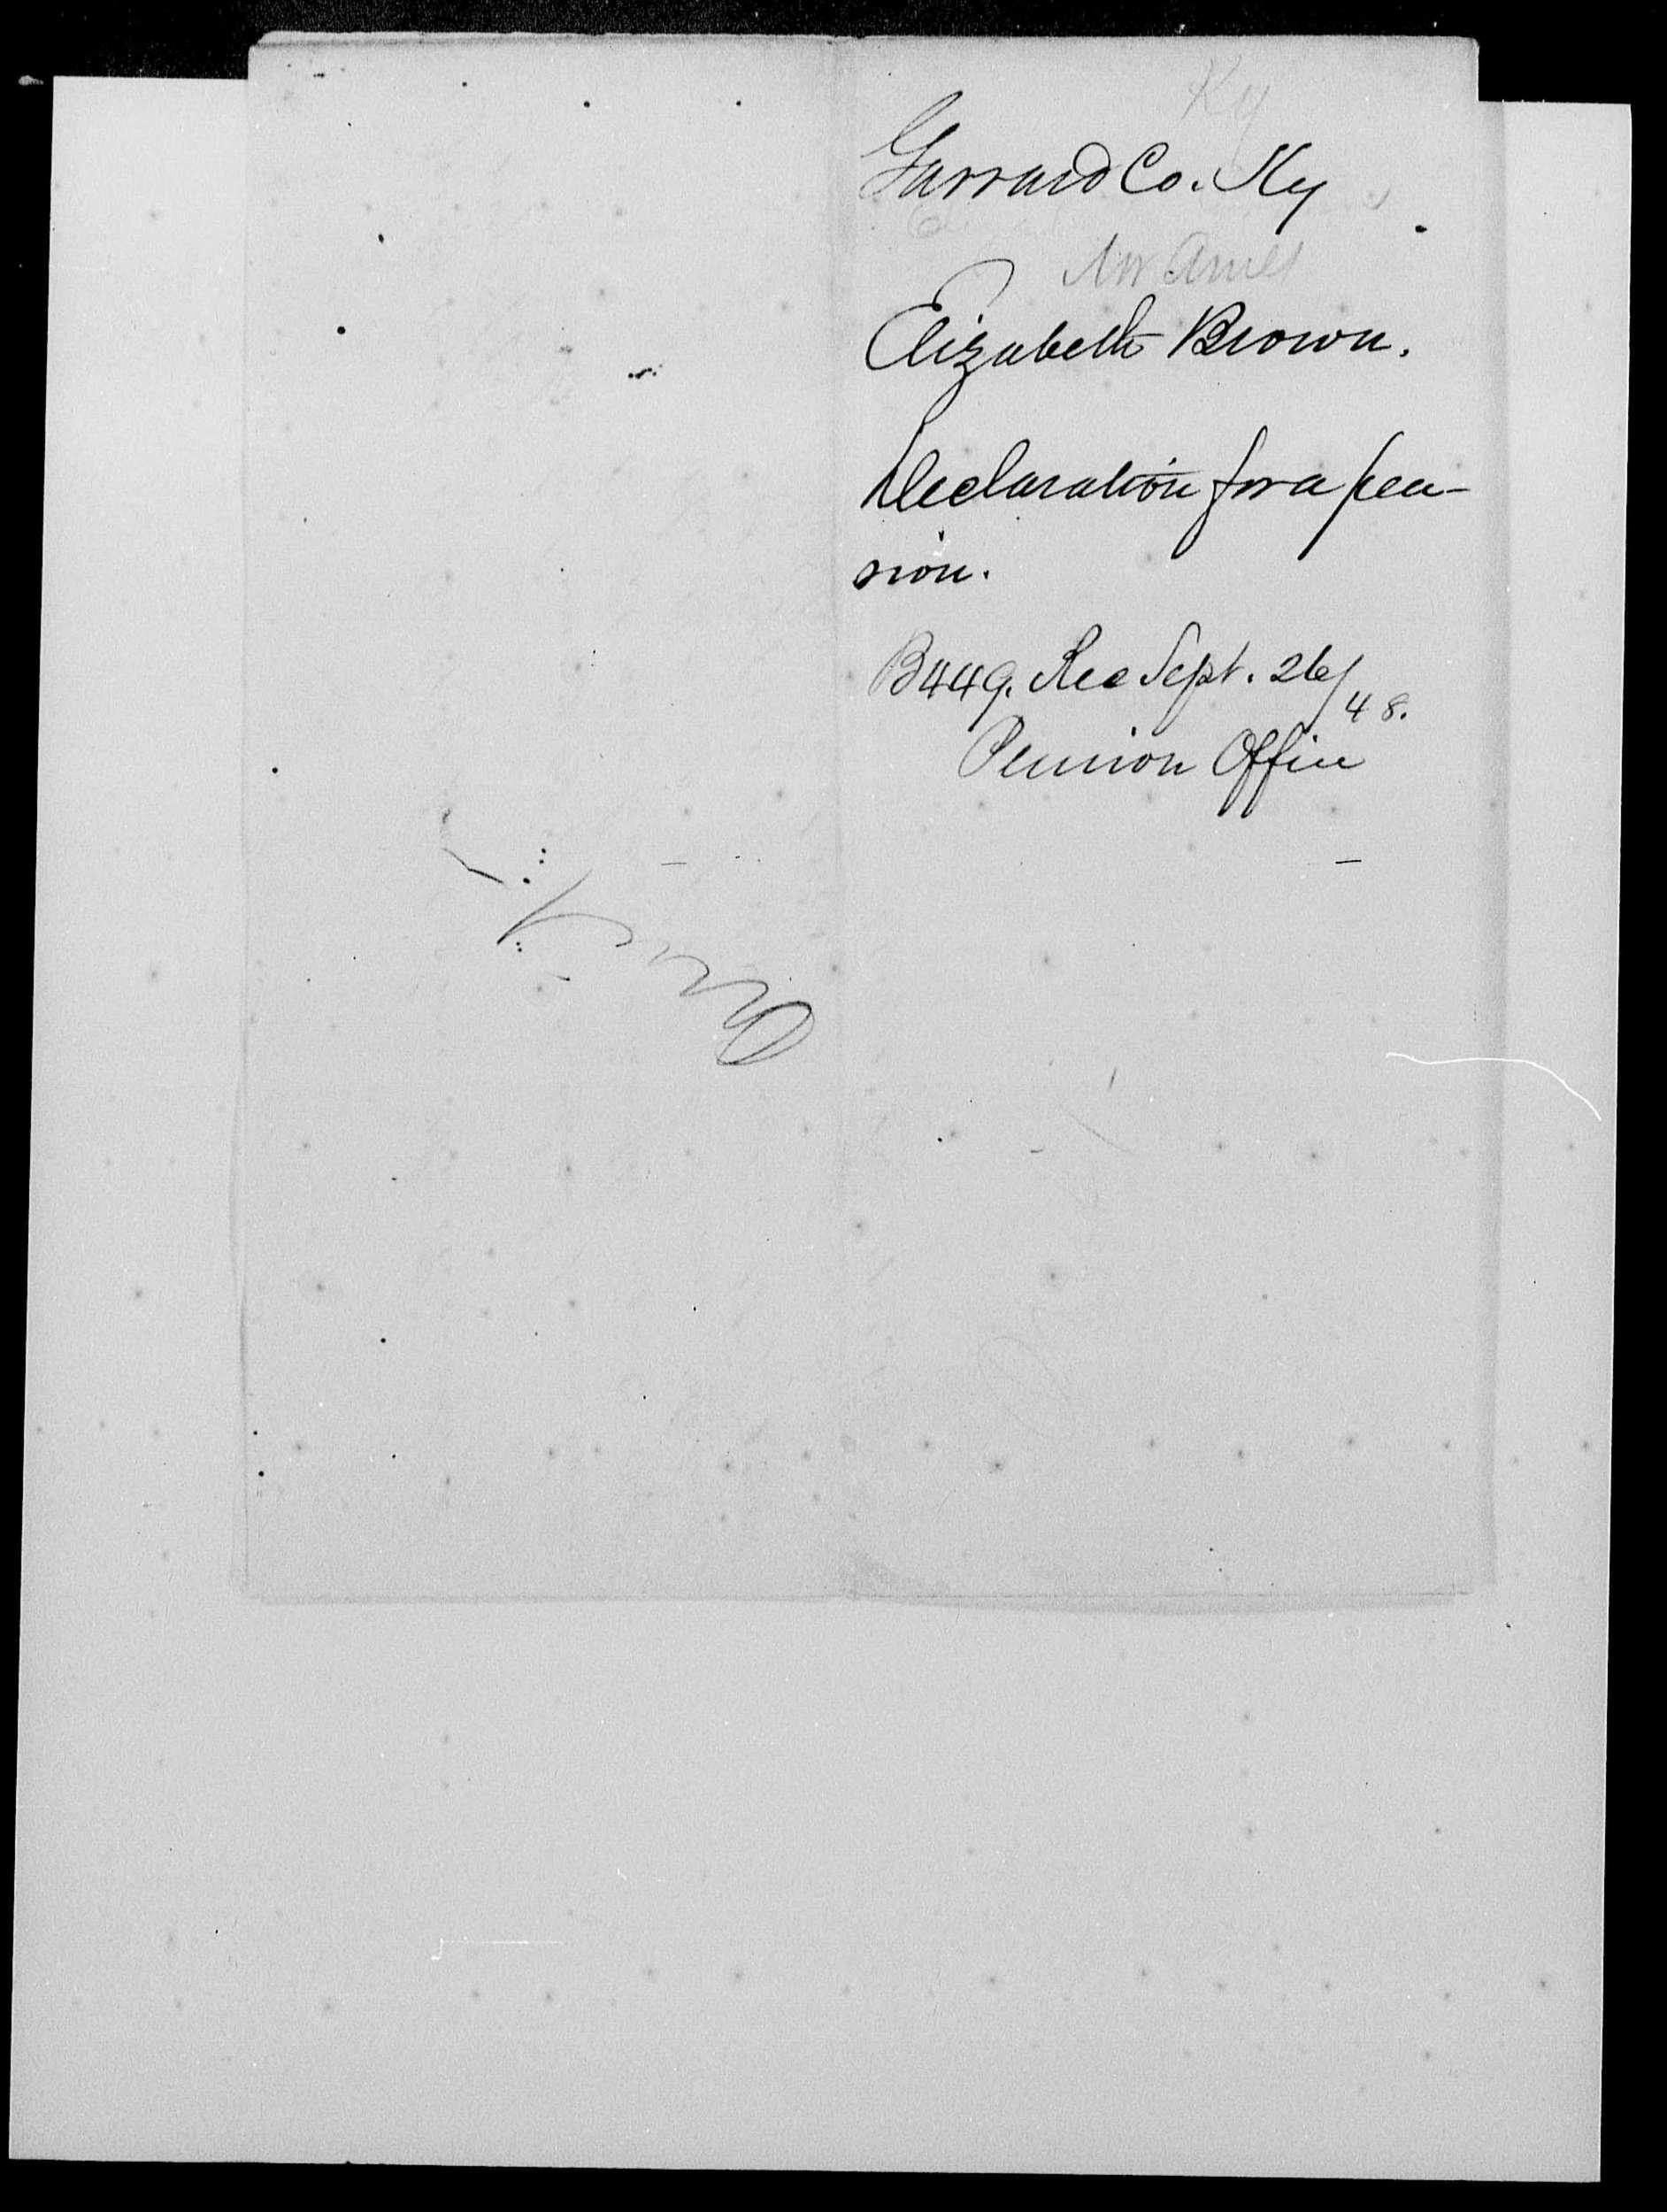Garrard Co. Ky
Wm Anes
Elizabeth Brown

Declaration for a pension
B449. Rec Sept. 27 48
Pension Office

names: Ames, Elizabeth Brown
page: 58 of 65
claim: widow's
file: W. 8384, Arabia Brown, Va.